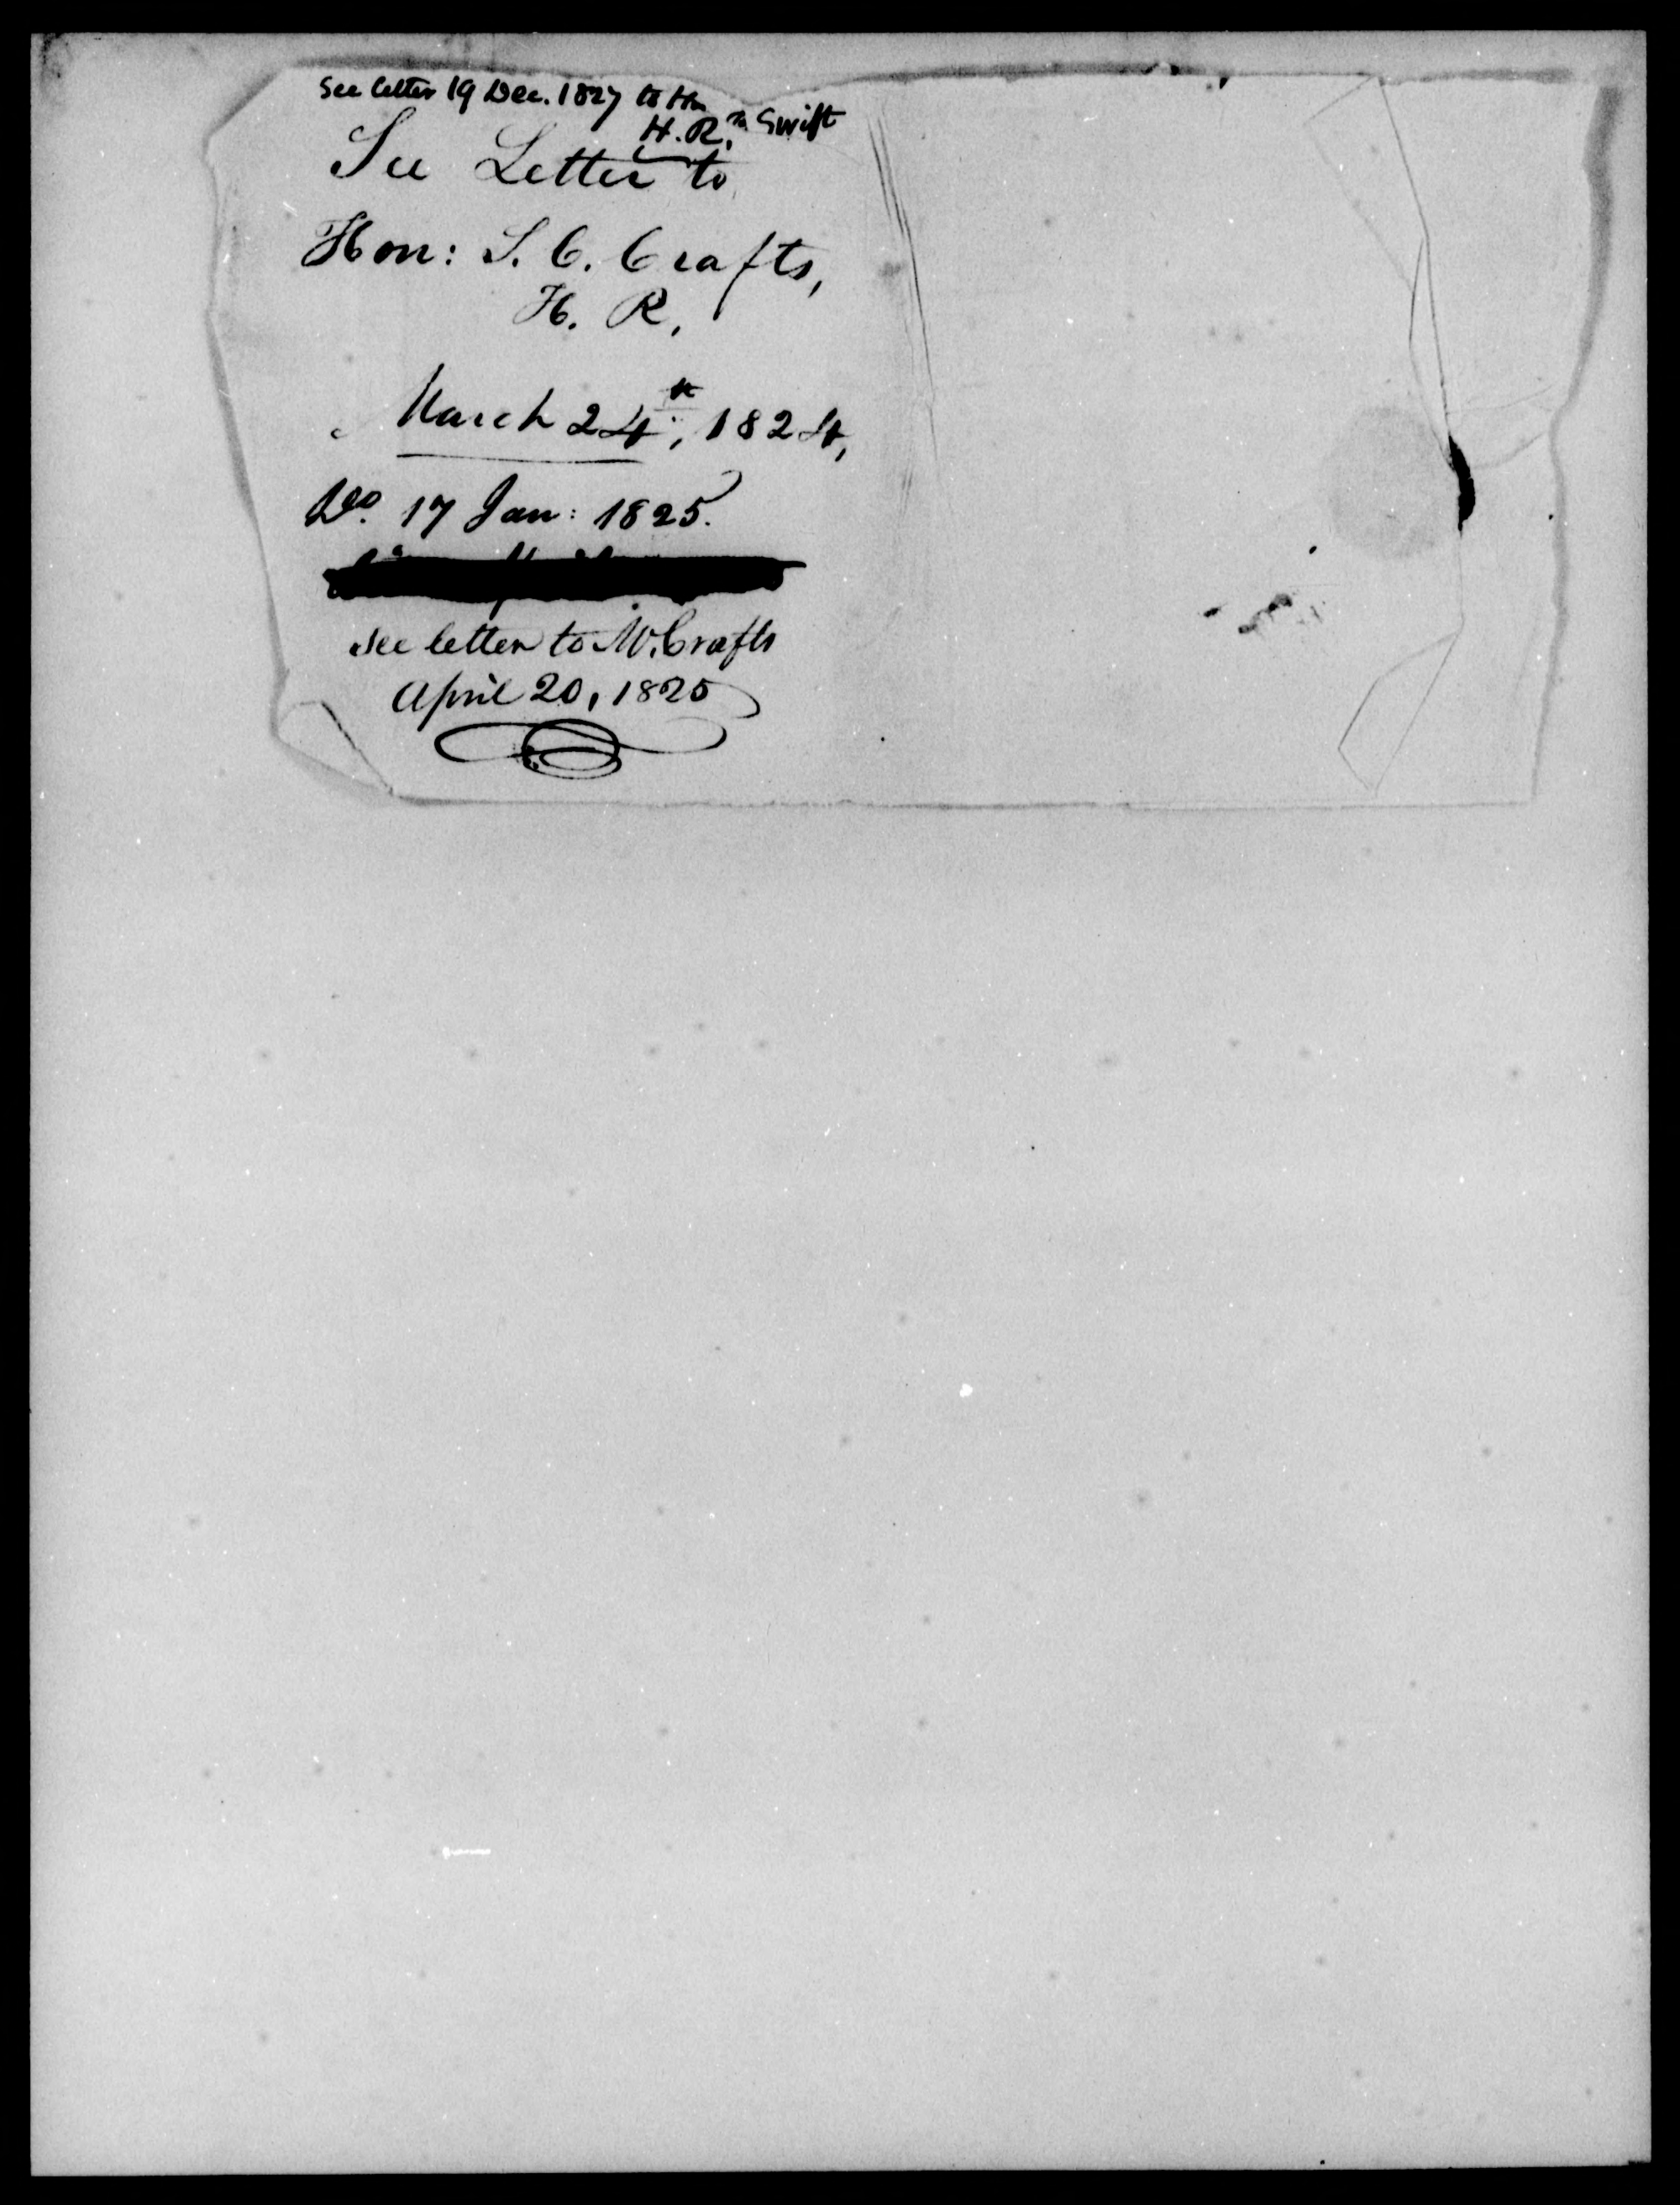see letter 19 Dec 1827 to the H. R. Swift
See Letter to
Hon: S. C. Crafts,
H. R
March 24th, 1824,
[See]? 17 Jan 1825.
See letter to M. Crafts
April 20, 1825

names: M Swift, S C Crafts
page: 22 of 87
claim: widow's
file: W. 25,966, Moses Weld, Mass.